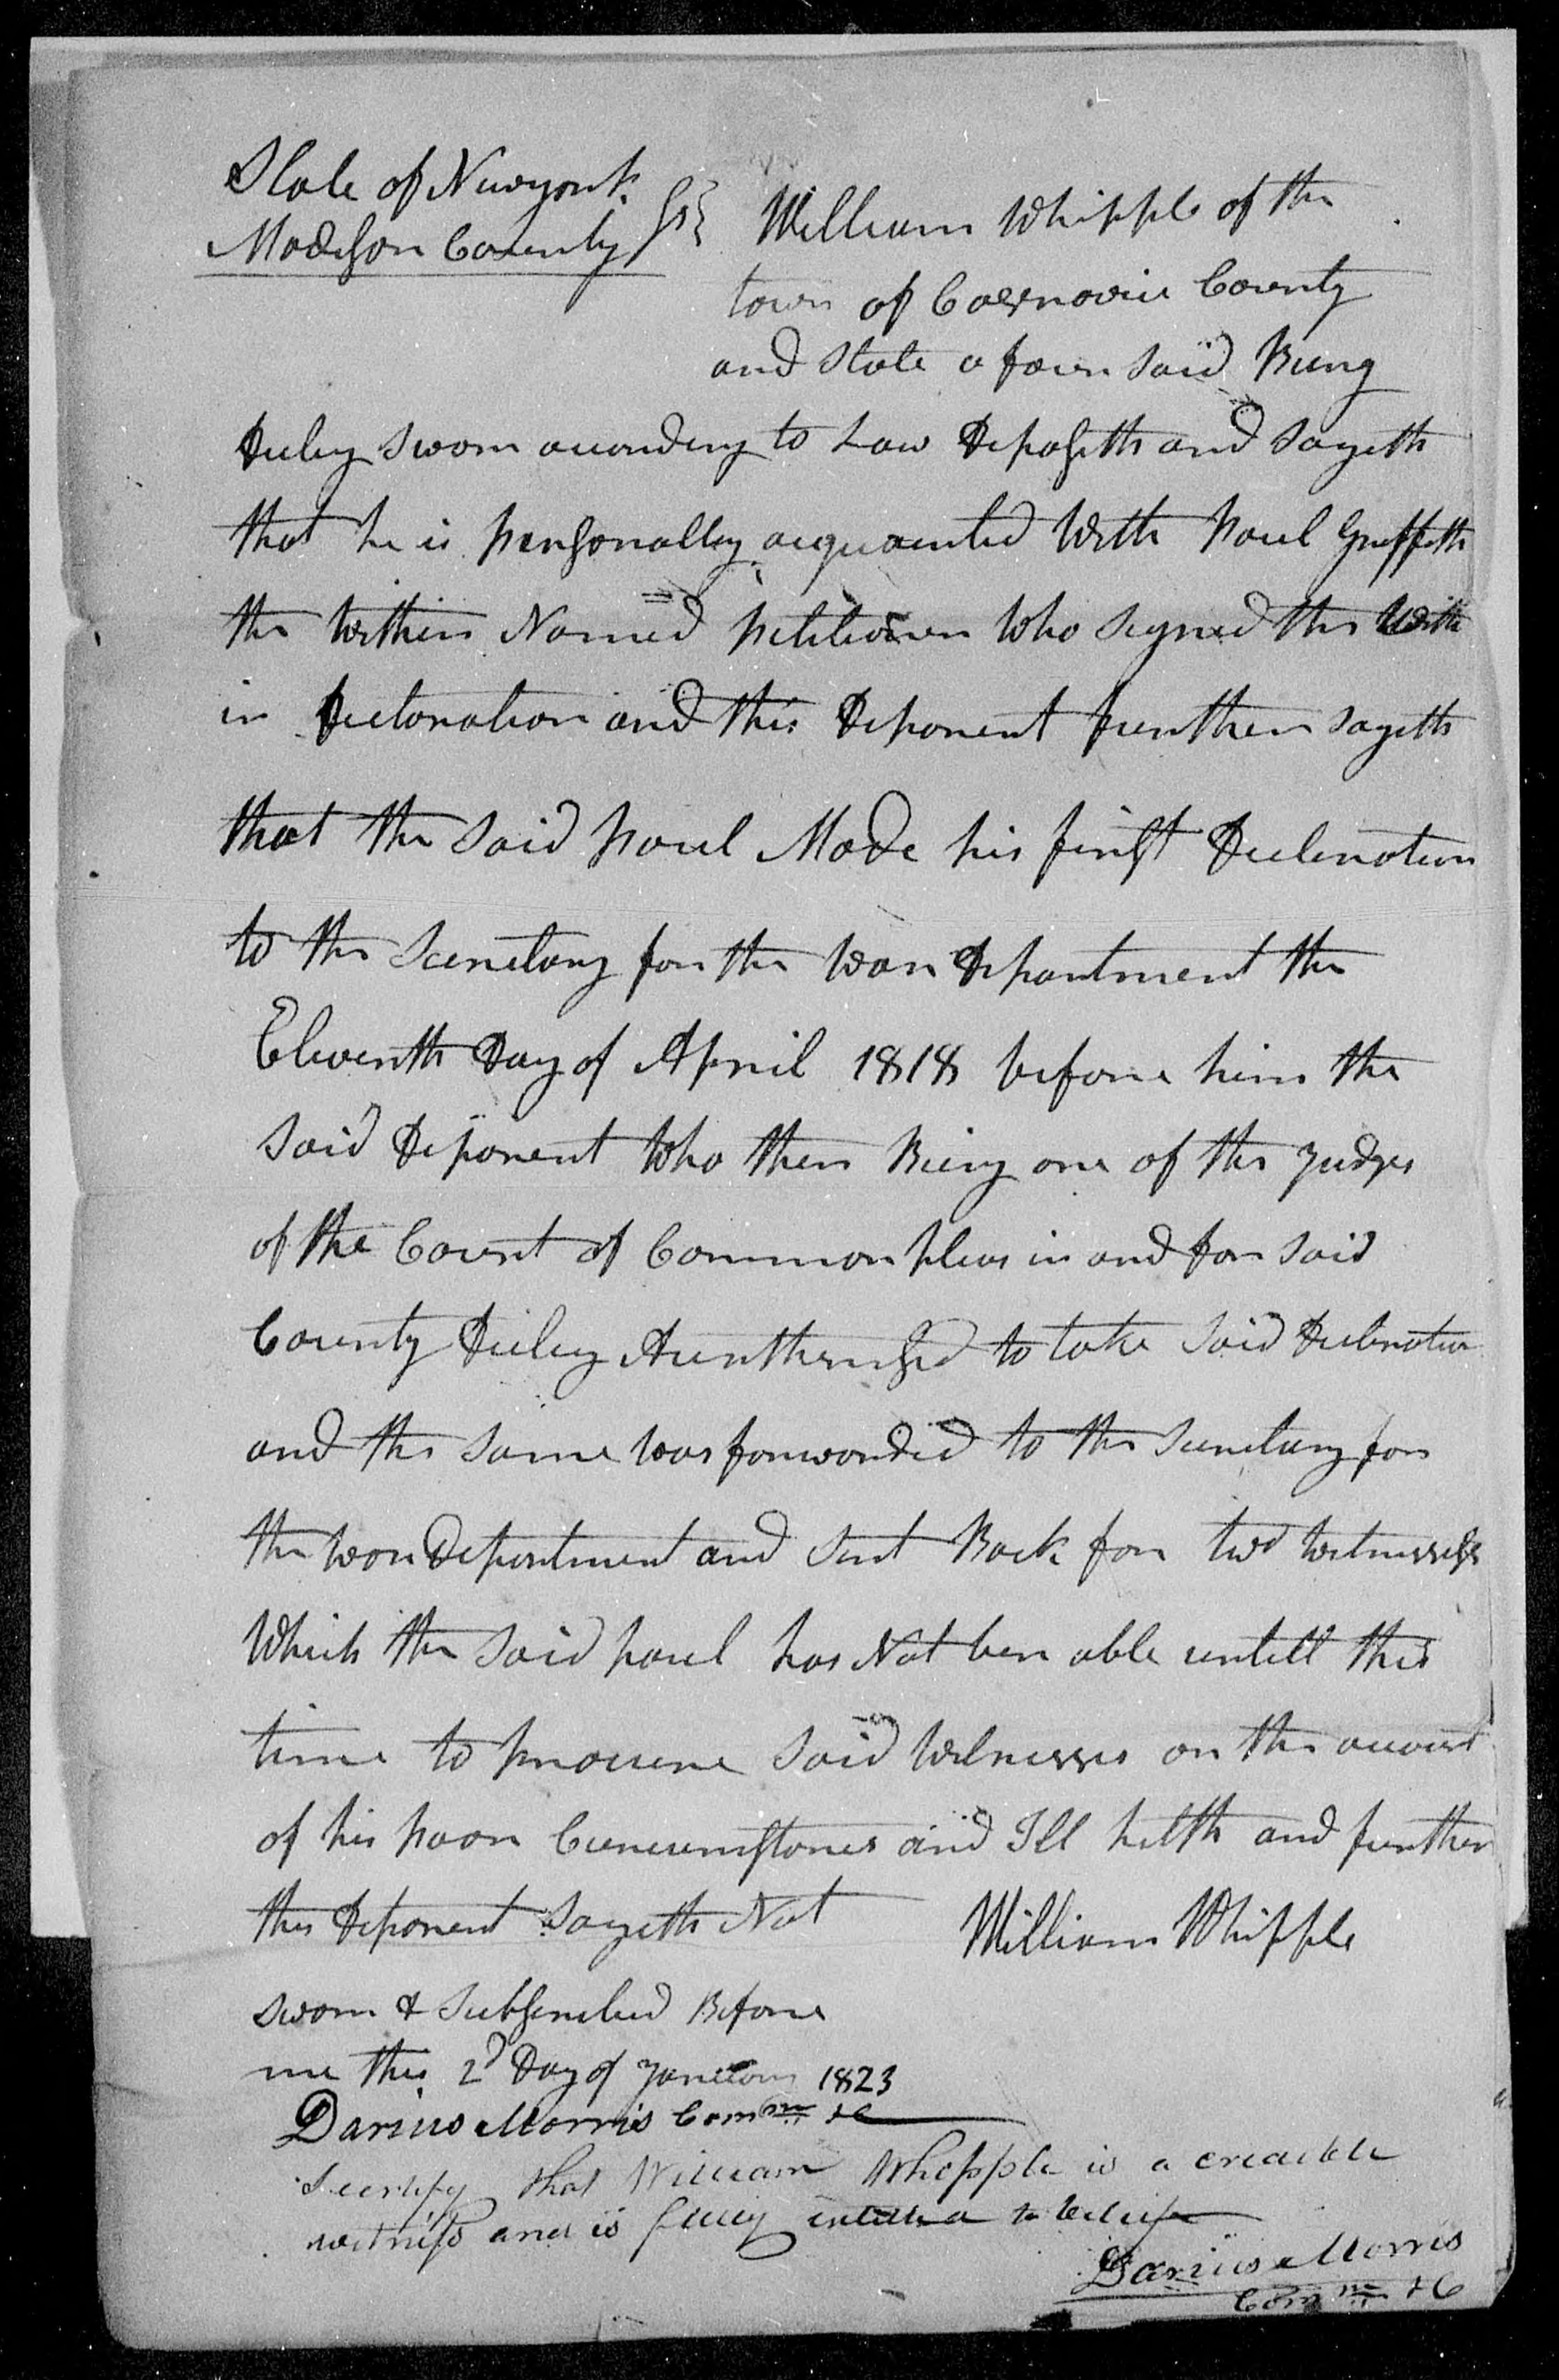State of New York, Madison County ss.

William Whipple of the town of Cazenovia, County and State aforesaid, being duly sworn according to law & deposith and sayeth that he is personally acquainted with Paul Griffith, the within named petitioner who signed the within declaration and this deponent further sayeth that the said Paul made his first declaration to the Secretary for the War Department the eleventh day of April 1818, before him the said deponent who then being one of the Judges of the Court of Common Pleas in and for said County duly authorized to take said declaration and the same was forwarded to the Secretary for the War Department and sent back for two witnesses which the said Paul has not been able until this time to procure said witnesses on the account of his poor circumstances and ill health and further this deponent sayeth not.

William Whipple

Sworn & subscribed before me this 2nd day of January 1823

Darius Morris Comm

I certify that William Whipple is a credible witness and is duly entitled to testify

Darius Morris
Comm.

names: William Whipple, Darius Morris, Darius Morris, Paul Griffith, William Whipple, William Whipple, Paul Mode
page: 13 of 61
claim: survivor's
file: S. 22798, Paul Griffiths, R.I.